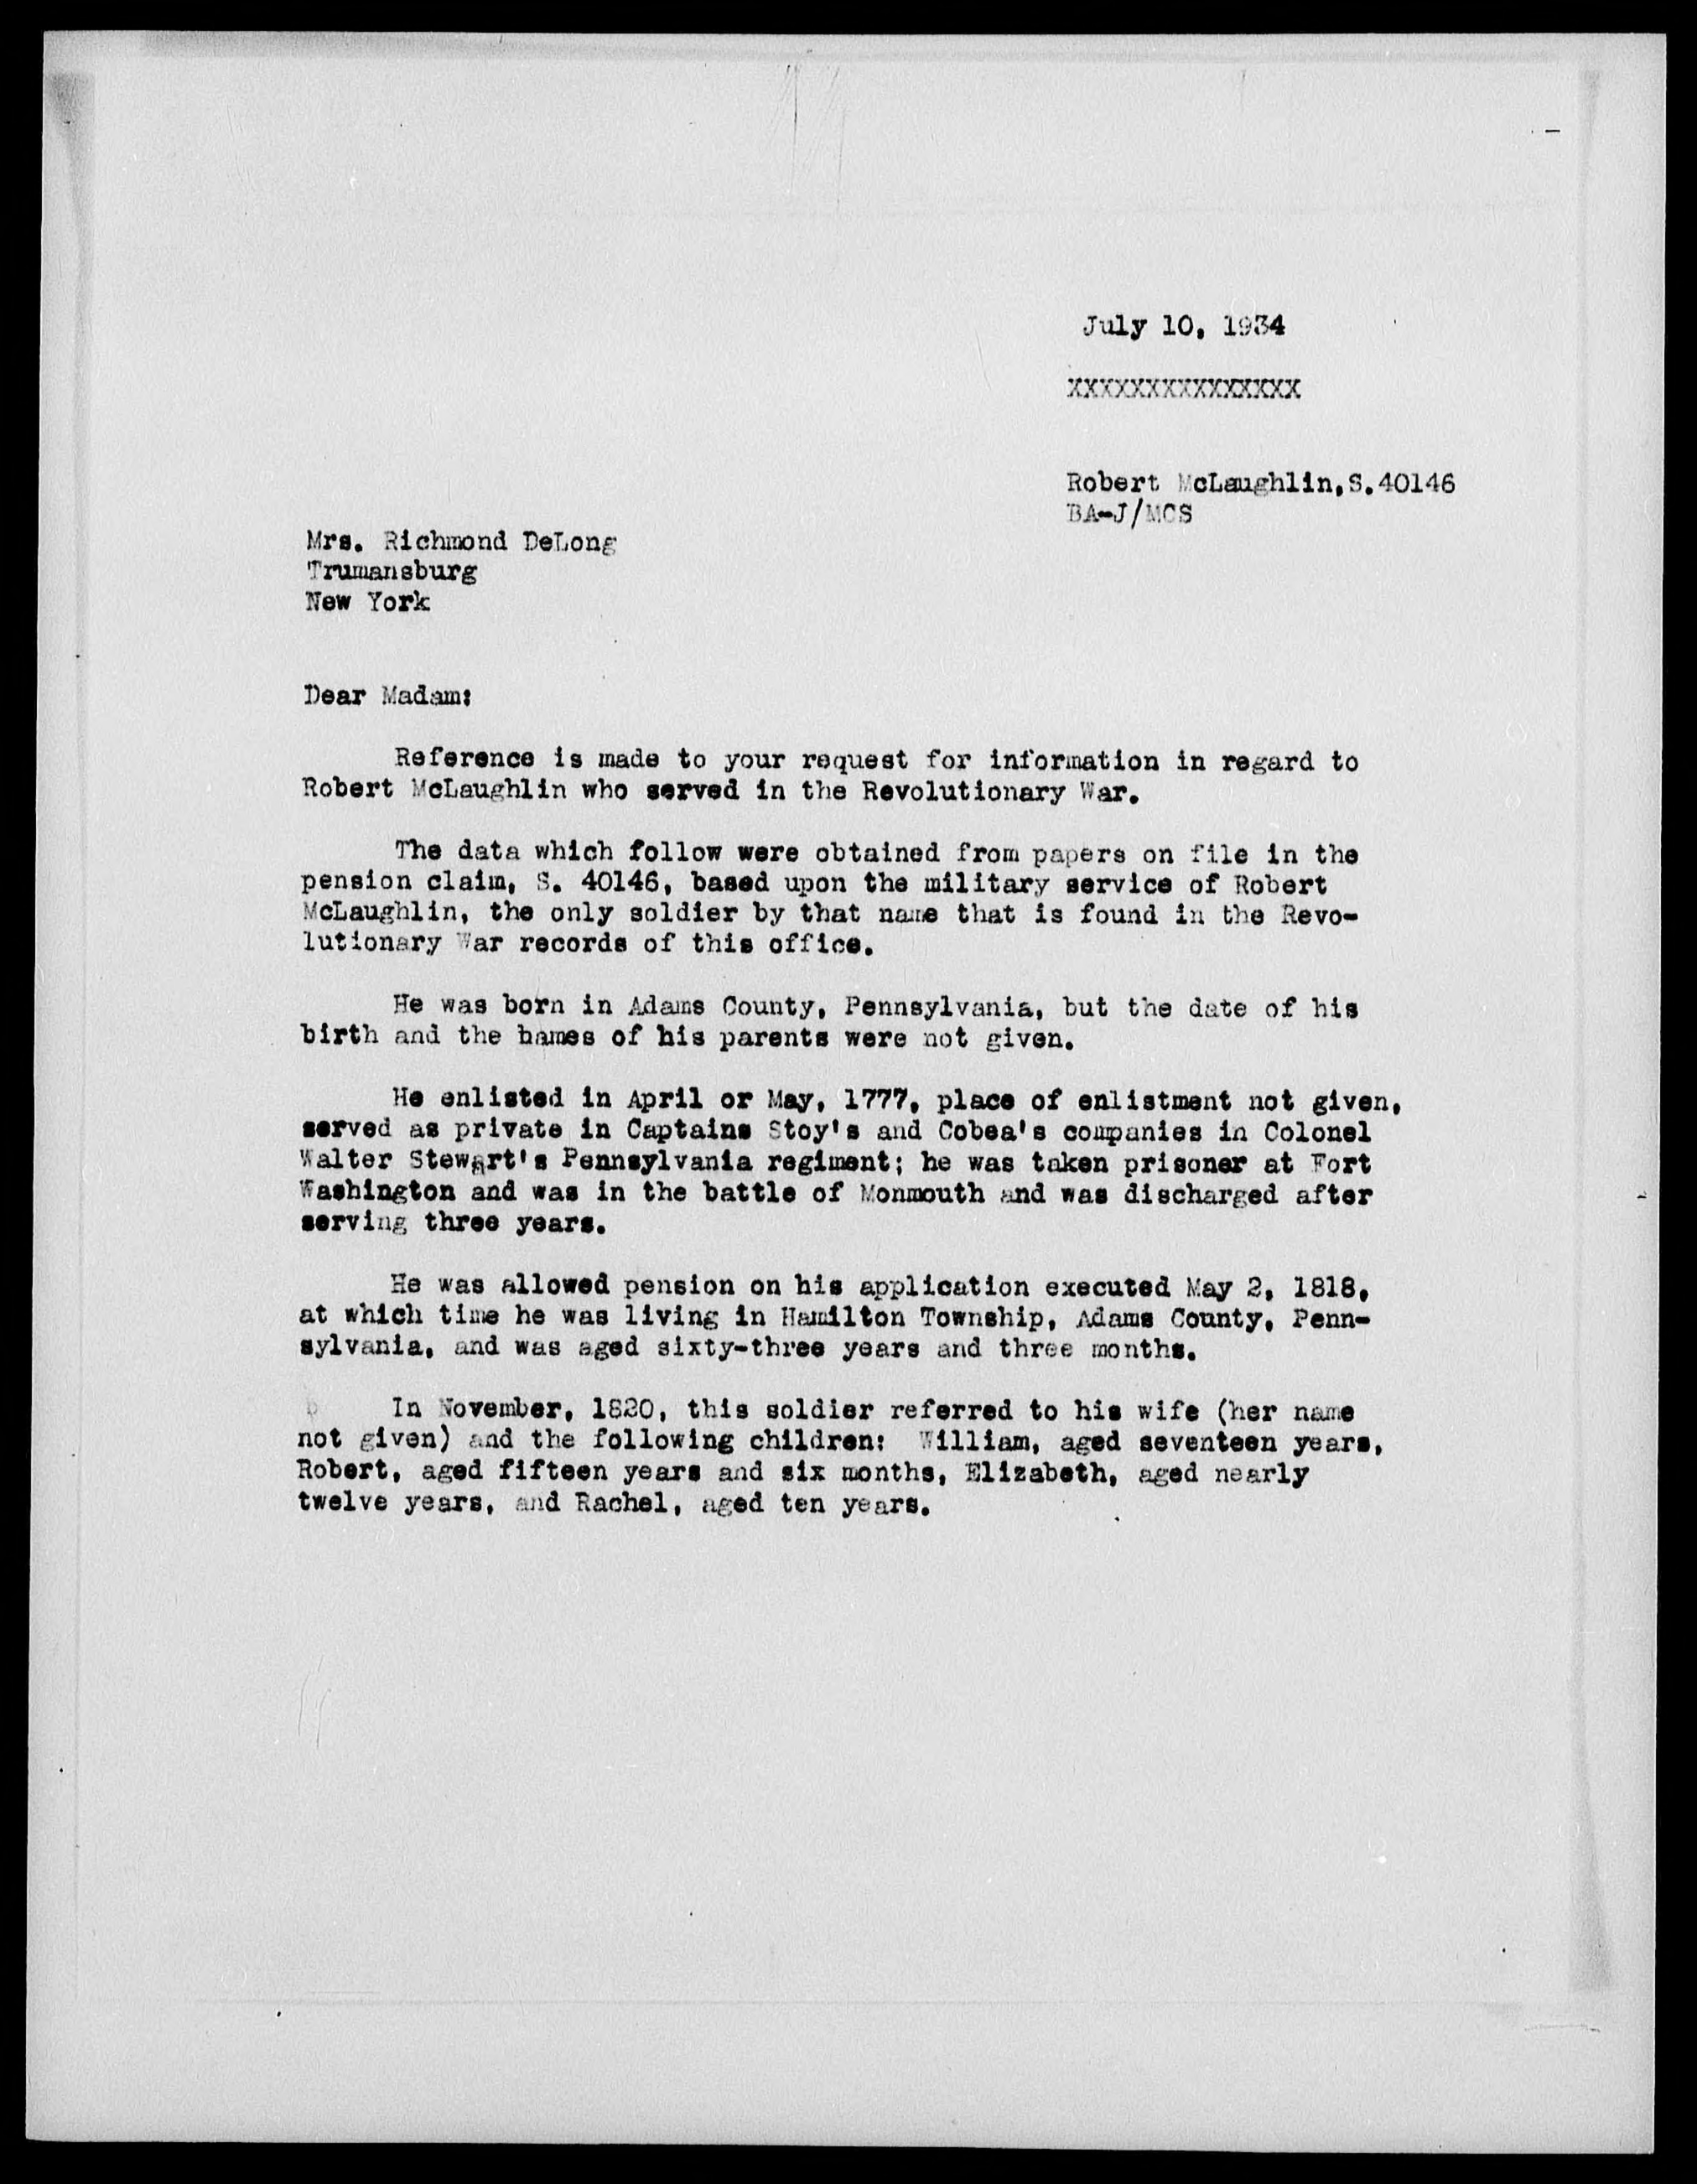July 10, 1934
XXXXXXXXXXXXXXX

Robert McLaughlin, S. 40146
BA-J/MCS

Mrs. Richmond DeLong
Trumansburg
New York

Dear Madam:

Reference is made to your request for information in regard to Robert McLaughlin who served in the Revolutionary War.
The data which follow were obtained from papers on file in the
pension claim, S. 40146, based upon the military service of Robert McLaughlin, the only soldier by that name that is found in the Revolutionary War records of this office.
He was born in Adams County, Pennsylvania, but the date of his birth and the names of his parents were not given.
He enlisted in April or May, 1777, place of enlistment not given, served as private in Captains Stoy's and Cobea's companies in Colonel Walter Stewart's Pennsylvania regiment; he was taken prisoner at Fort Washington and was in the battle of Monmouth and was discharged after serving three years.
He was allowed pension on his application executed May 2, 1818, at which time he was living in Hamilton Township, Adams County, Pennsylvania, and was aged sixty-three years and three months.
In November, 1820, this soldier referred to his wife (her name
not given) and the following children: William, aged seventeen years, Robert, aged fifteen years and six months, Elizabeth, aged nearly twelve years, and Rachel, aged ten years.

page: 12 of 19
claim: survivor's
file: S. 40,146, for Robert Mc Laughlin, Pennsylvania